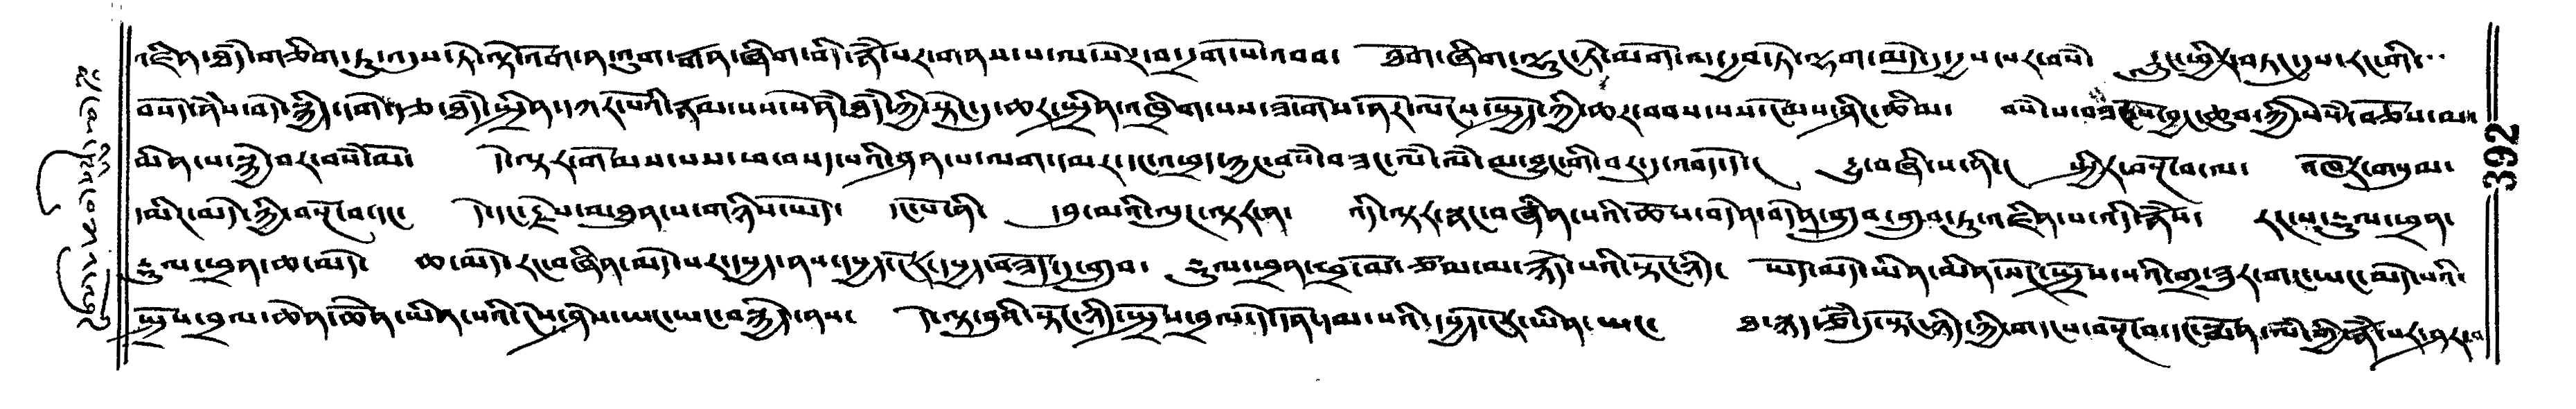འཛིན་ཐམས་ཅད་གཅིག་ཏུ་འདུས་ཏེ་ལྟེ་འོག་ན་འུག་རྒན་ཞིག་གི་རྣམ་པར་གནས་པ་ལ་སེར་བ་དྲག་པོ་འབབ། ཐོག་ཞིག་ལྷུང་ནས་མགོ་ལ་རྒྱབ་སྟེ་ལྷག་མེད་དུ་བྱས་པར་བསམ། རླུང་ཕྱིར་གཏོང་དུས་རང་གི་
བསོད་ནམས་བདེ་སྐྱིད་དགེ་རྩ་ཐམས་ཅད་སྤྲིན་དཀར་པོའི་རྣམ་པས་སེམས་ཅན་ཐམས་ཅད་ཀྱི་སྟེང་དུ་ཆར་སྤྲིན་འཁྲིགས་ནས་ཟས་གོས་ནོར་ལོངས་སྤྱོད་ཀྱི་ཆར་བབས་པས་ངོམས་ཤིང་ཚིམ།བསམ་པ་བཟང་པོ་བྱང་ཆུབ་ཀྱི་སེམས་བཅོས་མ་
མིན་པ་སྐྱེ་བར་བསམ་མོ། དེ་ལྟར་གོམས་པས་ཕ་བསད་པའི་ཤན་པ་ལག་དམར་དང་འཕྲད་ཀྱང་བསམ་བཟང་ལམ་ལམ་མ་བྱུང་གི་བར་དུ་འབད་དོ། རྒྱུ་བཞི་པ་ནི། སྤྱིར་བསྔོ་བ་ལ་འཁོར་གསུམ་
དམིགས་མེད་ཀྱི་བསྔོ་བ་དང་། དེ་དང་རྗེས་མཐུན་པ་གཉིས་ཡོད། དང་པོ་ནི། དབུ་མའི་ལུགས་ལྟར་ན་འདི་ལྟར་སྣང་བཞིན་པའི་ཆོས་བདེན་བདེན་གྲུབ་གྲུབ་ཏུ་འཛིན་པ་འདི་རྣམས་རང་ས་རྡུལ་ཕྲན་
རྡུལ་ཕྲན་ཆ་མེད། ཆ་མེད་རང་བཞིན་མེད་པར་དཔྱད་ནས་དཔྱད་ངོར་དཔྱད་བཟོད་དུ་གྲུབ་པའི་རྡུལ་ཕྲན་ཕྲ་མོ་ཙམ་མ་རྙེད་པའི་སྟོང་ཉིད་ཡོད་མེད་ཡིན་མིན་སོགས་སྤྲོས་པའི་གྲ་ཟུར་གང་ཡང་མེད་པའི་
སྤྲོས་བྲལ་ཆེན་པོ་ཡིན་པའི་ངེས་ཤེས་ཡང་ཡང་བསྐྱེད་ནས། དེ་ལྟ་བུའི་སྟོང་ཉིད་སྤྲོས་བྲལ་དེ་དོན་དམ་པའི་དཔྱད་ངོར་ཡིན་ཡང་། ཐ་སྙད་ཙམ་དུ་སྟོང་ཉིད་ཀྱི་གདངས་བསྔོ་བ་དང་སྨོན་ལམ་གྱི་རྣམ་པར་ཤར་བ་